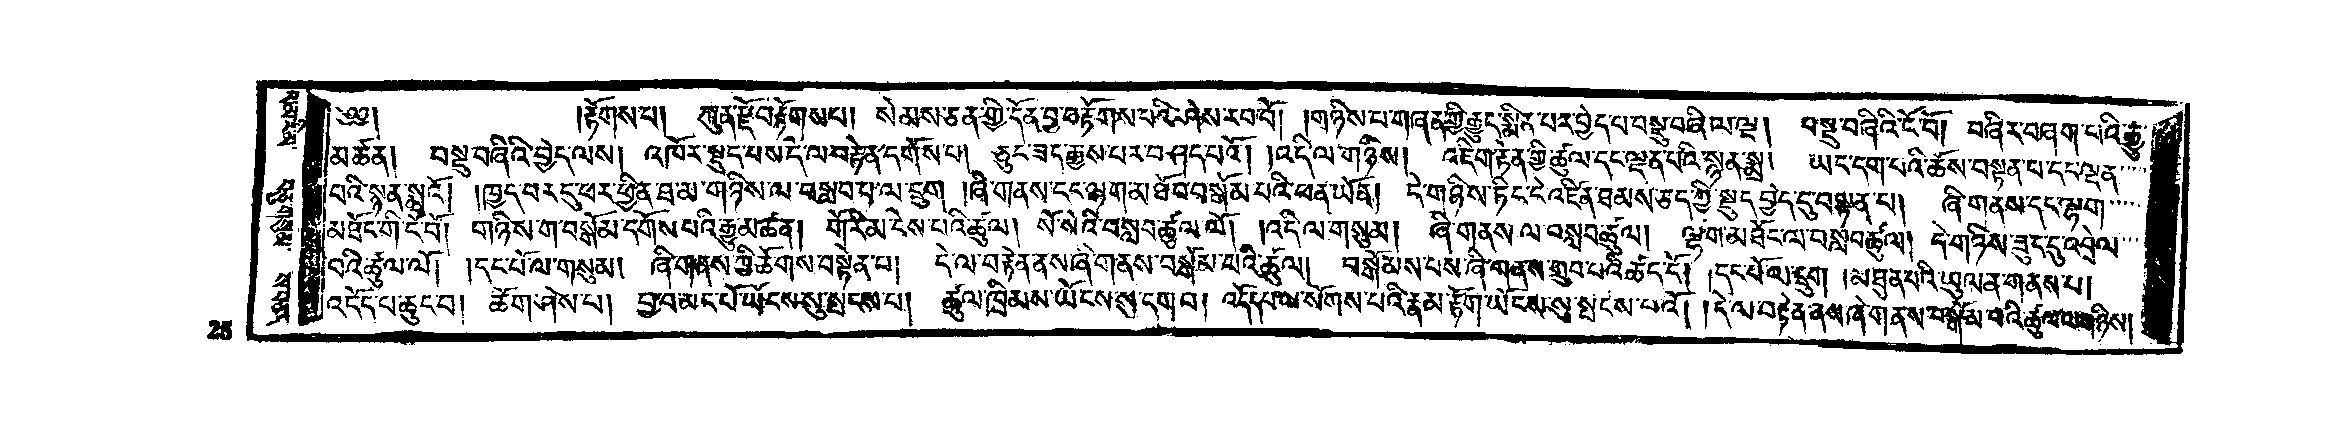༄༅། །རྟོགས་པ། ཀུན་རྫོབ་རྟོགས་པ། སེམས་ཅན་གྱི་དོན་བྱ་བ་རྟོགས་པའི་ཤེས་རབ་བོ། །གཉིས་པ་གཞན་གྱི་རྒྱུད་སྨིན་པར་བྱེད་པ་བསྡུ་བཞི་ལ་ལྔ། བསྡུ་བཞིའི་ངོ་བོ། བཞིར་བཞག་པའི་རྒྱུ་
མཚན། བསྡུ་བཞིའི་བྱེད་ལས། འཁོར་སྡུད་པས་དེ་ལ་བརྟེན་དགོས་པ། ཅུང་ཟད་རྒྱས་པར་བཤད་པའོ། །འདི་ལ་གཉིས། འཇིག་རྟེན་གྱི་ཚུལ་དང་ལྡན་པའི་སྙན་སྨྲ། ཡང་དག་པའི་ཆོས་བསྟན་པ་དང་ལྡན་
པའི་སྙན་སྨྲའོ། །ཁྱད་པར་དུ་ཕར་ཕྱིན་ཐ་མ་གཉིས་ལ་བསླབ་པ་ལ་དྲུག །ཞི་གནས་དང་ལྷག་མཐོང་བསྒོམ་པའི་ཕན་ཡོན། དེ་གཉིས་ཏིང་ངེ་འཛིན་ཐམས་ཅད་ཀྱི་སྡུད་བྱེད་དུ་བསྟན་པ། ཞི་གནས་དང་ལྷག་
མཐོང་གི་ངོ་བོ། གཉིས་ག་བསྒོམ་དགོས་པའི་རྒྱུ་མཚན། གོ་རིམ་ངེས་པའི་ཚུལ། སོ་སོའི་བསླབ་ཚུལ་ལོ། །འདི་ལ་གསུམ། ཞི་གནས་ལ་བསླབ་ཚུལ། ལྷག་མཐོང་ལ་བསླབ་ཚུལ། དེ་གཉིས་ཟུང་དུ་འབྲེལ་
བའི་ཚུལ་ལོ། །དང་པོ་ལ་གསུམ། ཞི་གནས་ཀྱི་ཚོགས་བསྟེན་པ། དེ་ལ་བརྟེན་ནས་ཞི་གནས་བསྒོམ་པའི་ཚུལ། བསྒོམས་པས་ཞི་གནས་གྲུབ་པའི་ཚད་དོ། །དང་པོ་ལ་དྲུག །མཐུན་པའི་ཡུལ་ན་གནས་པ།
འདོད་པ་ཆུང་བ། ཆོག་ཤེས་པ། བྱ་བ་མང་པོ་ཡོངས་སུ་སྤངས་པ། ཚུལ་ཁྲིམས་ཡོངས་སུ་དག་པ། འདོད་པ་ལ་སོགས་པའི་རྣམ་རྟོག་ཡོངས་སུ་སྤངས་པའོ། །དེ་ལ་བརྟེན་ནས་ཞི་གནས་བསྒོམ་པའི་ཚུལ་ལ་གཉིས།